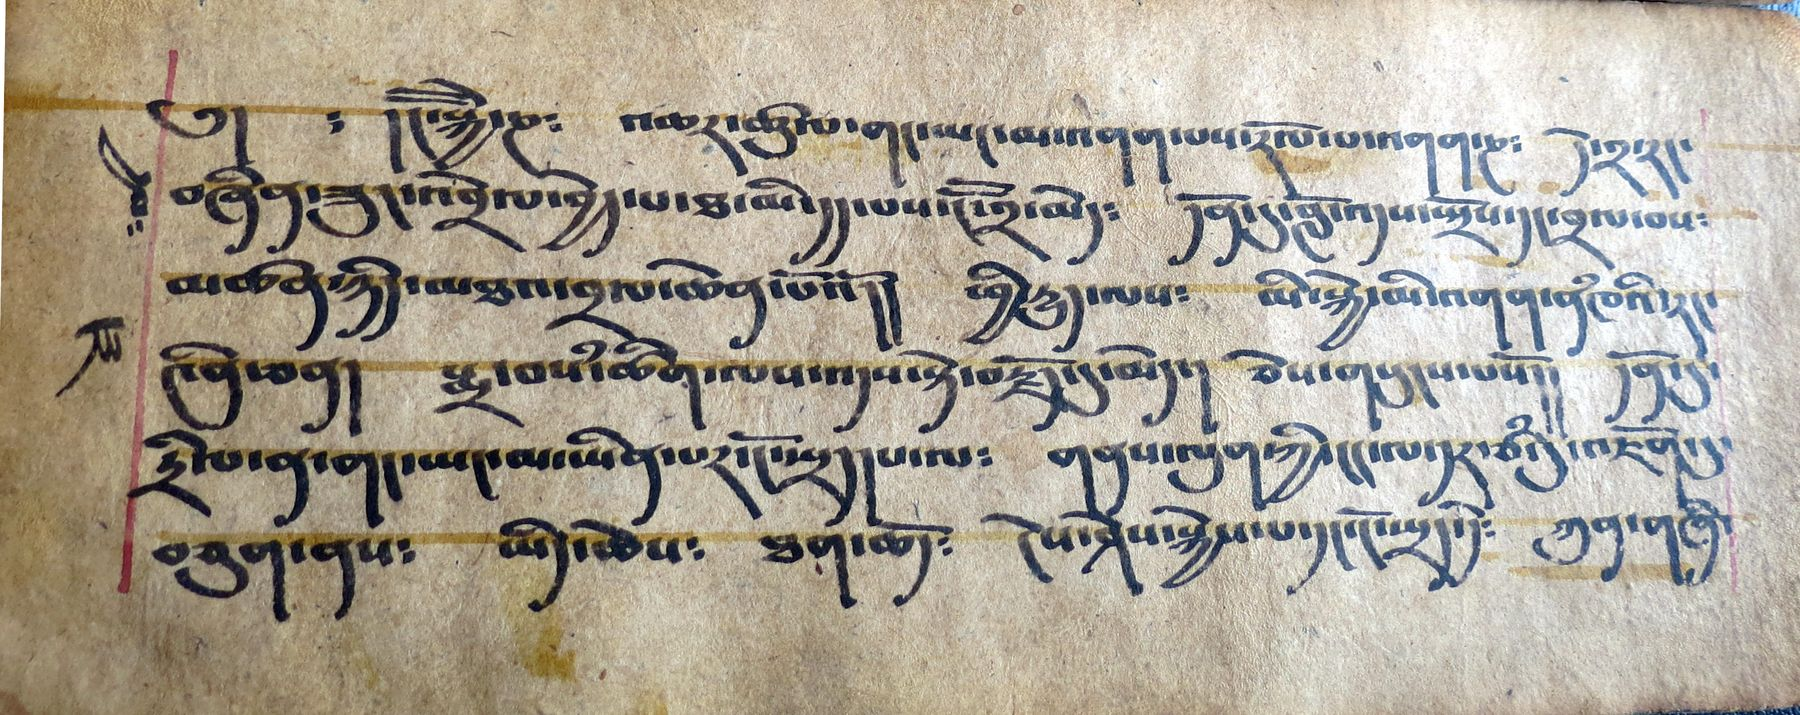ངོ་བོ་སྐྱེ་མེད། འཆར་ཚུལ་གང་ཡང་མ་འགགས་པའི་རོལ་པ་འགགས་མེད། དེ་གཉིས་རང་
བཞིན་ཟུང་འབྲེལ། བྱེད་པ་ཐ་མི་དད་པའི་ངོ་བོ་གཉིས་མེད། དོན་དུ་བློ་འདས་སྤྲོས་དང་བྲལ་བས་
མཚན་ཉིདམཐའ་བྲལ་ཆེན་པོའོ། ཕྱི་རྒྱུད་ལས་མི་སྐྱེ་མི་འགག་ནམ་མཁའི་རང་
བཞིན་ཅན། སྨྲ་བསམ་ཚིག་ལས་འདས་ཏེ་བརྗོད་དུ་མེད་ཅེས་གསུངས་པས་སོ། ། དོན་དུ་
དྲིལ་ན་གང་ཡང་མ་ཡིན་པར་ངོ་སྤྲོད་པ་ལ། གནས་ལུགས་ཀྱི་སྟེང་དུ་དར་ཙམ་འཇོག་ཏུ་
བཅུག་ནས། ཡིད་ཆེས་ཐག་ཆོད། ངེས་ཤེས་སྐྱེས་པ་དང་། ངོ་སྤྲད་དེ། ཀུན་གཞི་